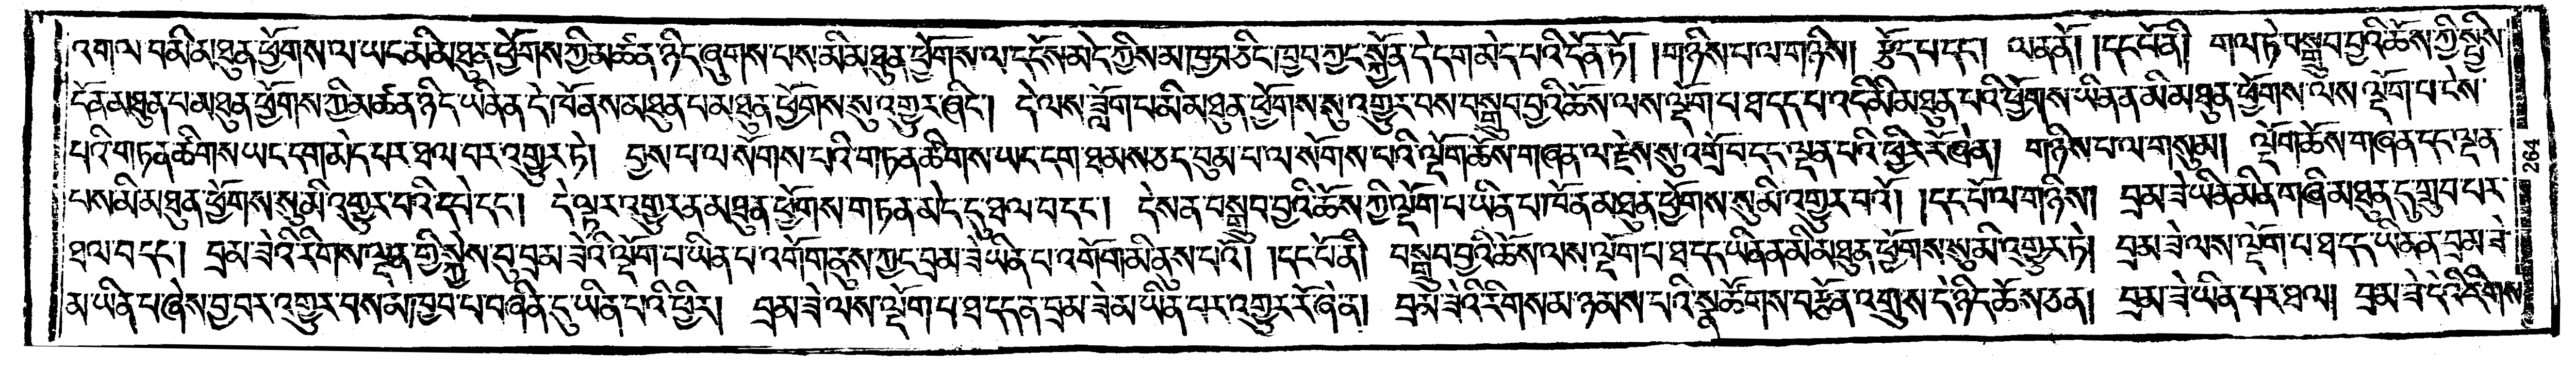འགལ་བ་མི་མཐུན་ཕྱོགས་ལ་ཡང་མི་མཐུན་ཕྱོགས་ཀྱི་མཚན་ཉིད་ཞུགས་པས་མི་མཐུན་ཕྱོགས་ལ་དངོས་མེད་ཀྱིས་མ་ཁྱབ་ཅིང་ཁྱབ་ཀྱང་སྐྱོན་དེ་དག་མེད་པའི་དོན་ཏོ། །གཉིས་པ་ལ་གཉིས། རྩོད་པ་དང་། ལན་ནོ། །དང་པོ་ནི། གལ་ཏེ་བསྒྲུབ་བྱའི་ཆོས་ཀྱི་སྤྱིས་
དོན་མཐུན་པ་མཐུན་ཕྱོགས་ཀྱི་མཚན་ཉིད་ཡིན་ན་དེ་ཁོ་ནས་མཐུན་པ་མཐུན་ཕྱོགས་སུ་འགྱུར་ཞིང་། དེ་ལས་ཟློག་པ་མི་མཐུན་ཕྱོགས་སུ་འགྱུར་བས་བསྒྲུབ་བྱའི་ཆོས་ལས་ལྡོག་པ་ཐ་དད་པ་འདི་མི་མཐུན་པའི་ཕྱོགས་ཡིན་ན་མི་མཐུན་ཕྱོགས་ལས་ལྡོག་པ་ངེས་
པའི་གཏན་ཚིགས་ཡང་དག་མེད་པར་ཐལ་བར་འགྱུར་ཏེ། བྱས་པ་ལ་སོགས་པའི་གཏན་ཚིགས་ཡང་དག་ཐམས་ཅད་བུམ་པ་ལ་སོགས་པའི་ལྡོག་ཆོས་གཞན་ལ་རྗེས་སུ་འགྲོ་བ་དང་ལྡན་པའི་ཕྱིར་རོ་ཞེ་ན། གཉིས་པ་ལ་གསུམ། ལྡོག་ཆོས་གཞན་དང་ལྡན་
པས་མི་མཐུན་ཕྱོགས་སུ་མི་འགྱུར་བའི་དཔེ་དང་། དེ་ལྟར་འགྱུར་ན་མཐུན་ཕྱོགས་གཏན་མེད་དུ་ཐལ་བ་དང་། དེས་ན་བསྒྲུབ་བྱའི་ཆོས་ཀྱི་ལྡོག་པ་ཡིན་པ་ཁོ་ན་མཐུན་ཕྱོགས་སུ་མི་འགྱུར་བའོ། །དང་པོ་ལ་གཉིས། བྲམ་ཟེ་ཡིན་མིན་གཞི་མཐུན་དུ་གྲུབ་པར་
ཐལ་བ་དང་། བྲམ་ཟེའི་རིགས་ལྡན་གྱི་སྐྱེས་བུ་བྲམ་ཟེའི་ལྡོག་པ་ཡིན་པ་འགོག་ནུས་ཀྱང་བྲམ་ཟེ་ཡིན་པ་འགོག་མི་ནུས་པའོ། །དང་པོ་ནི། བསྒྲུབ་བྱའི་ཆོས་ལས་ལྡོག་པ་ཐ་དད་ཡིན་ན་མི་མཐུན་ཕྱོགས་སུ་མི་འགྱུར་ཏེ། བྲམ་ཟེ་ལས་ལྡོག་པ་ཐ་དད་ཡིན་ན་བྲམ་ཟེ་
མ་ཡིན་པ་ཞེས་བྱ་བར་འགྱུར་བས་མ་ཁྱབ་པ་བཞིན་དུ་ཡིན་པའི་ཕྱིར། བྲམ་ཟེ་ལས་ལྡོག་པ་ཐ་དད་ན་བྲམ་ཟེ་མ་ཡིན་པར་འགྱུར་རོ་ཞེ་ན། བྲམ་ཟེའི་རིགས་མ་ཉམས་པའི་སྣ་ཚོགས་བརྩོན་འགྲུས་དེ་ཉིད་ཆོས་ཅན། བྲམ་ཟེ་ཡིན་པར་ཐལ། བྲམ་ཟེ་དེའི་རིགས་